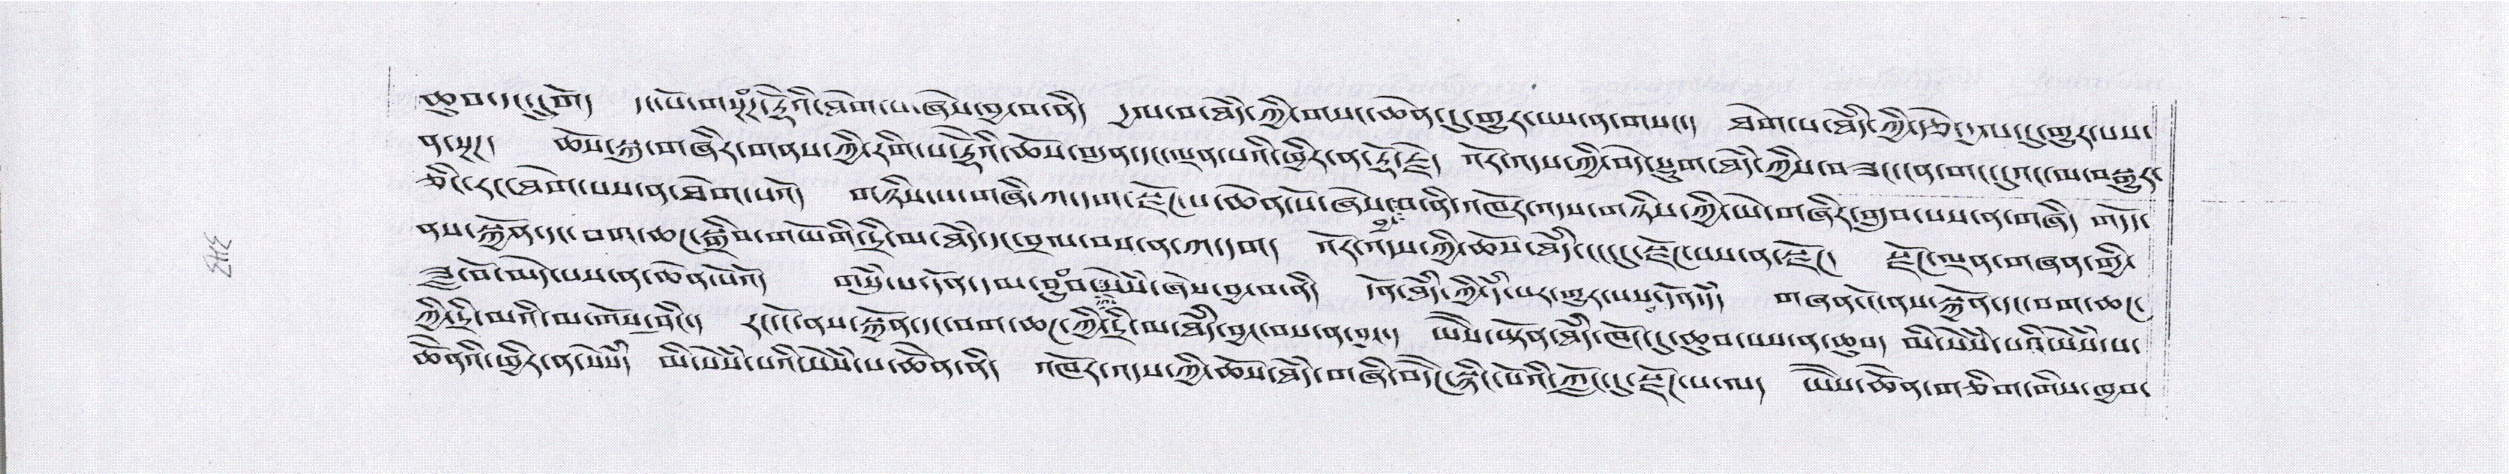ཆུབ་དང་དྲུག་གོ། དང་པོ་གསང་སྔགས་རྡོ་རྗེའི་ཐེག་པ་ཞེས་བྱ་བ་ནི། རྒྱལ་བ་ཐམས་ཅད་ཀྱི་གསང་ཆེན་དུ་གྱུར་པས་ན་གསང། ཐེག་པ་ཐམས་ཅད་ཀྱི་རྩེ་རྒྱལ་དུ་གྱུར་པས་
ན་སྔགས། ཆོས་སྐུ་གཞིར་གནས་ཀྱི་རིག་པ་རྡོ་རྗེའི་ཆོས་བདུན་དང་ལྡན་པའི་ཕྱིར་ན་རྡོ་རྗེ། འཁོར་འདས་ཀྱི་བདེ་སྡུག་ཐམས་ཅད་ཀྱིས་བཟང་ངན་གང་དུའང་མ་བསྒྱུར་
ཅིང་རང་ཐེག་པས་ན་ཐེག་པའོ། གཉིས་པ་གཞི་ཀ་དག་རྫོགས་པ་ཆེན་པོ་ཞེས་བྱ་བ་ནི་འཁོར་འདས་གཉིས་ཀྱི་ཡེ་གཞིར་གྲུབ་པས་ན་གཞི། གདོད་
ནས་སྐྱོན་དང་བག་ཆགས་སྒྲིབ་གཡོག་གི་དྲི་མ་ཐམས་ཅད་དང་བྲལ་བས་ན་ཀ་དག འཁོར་འདས་ཀྱི་ཆོས་ཐམས་ཅད་ངང་དུ་རྫོགས་པས་ན་རྫོགས། རྫོགས་ལྡན་གཞན་གྱི་
ཟླ་བོ་མེད་པས་ན་ཆེན་པོའོ། གསུམ་པ་དོན་དམ་བྱང་ཆུབ་ཀྱི་སེམས་ཞེས་བྱ་བ་ནི། དོན་ཐམས་ཅད་ཀྱི་དམ་པར་གྱུར་པས་དོན་དམ། གཞན་ངོ་ནས་སྐྱོན་དང་བག་ཆགས་
ཀྱི་དྲི་མའི་མ་གོས་ཤིང། རང་ངོ་ནས་སྐྱོན་དང་བག་ཆགས་ཀྱི་དྲི་མ་ཐམས་ཅད་བྱང་བས་ན་བྱང། ཡེ་ཤེས་ཡོན་ཏན་ཐམས་ཅད་ཁོང་དུ་ཆུབ་པས་ན་ཆུབ། མི་སེམས་པའི་སེམས་པ་
ཆེན་པའི་ཕྱིར་ན་སེམས། མི་སེམས་པའི་སེམས་པ་ཆེན་པོ་ནི། འཁོར་འདས་ཀྱི་ཆོས་ཐམས་ཅད་གཞི་བདེ་གཤེགས་སྙིང་པོའི་ཀློང་དུ་རྫོགས་པ་ལ། ཡེ་ཤེས་ཆེན་པོ་གཅིག་གིས་ཁྱབ་